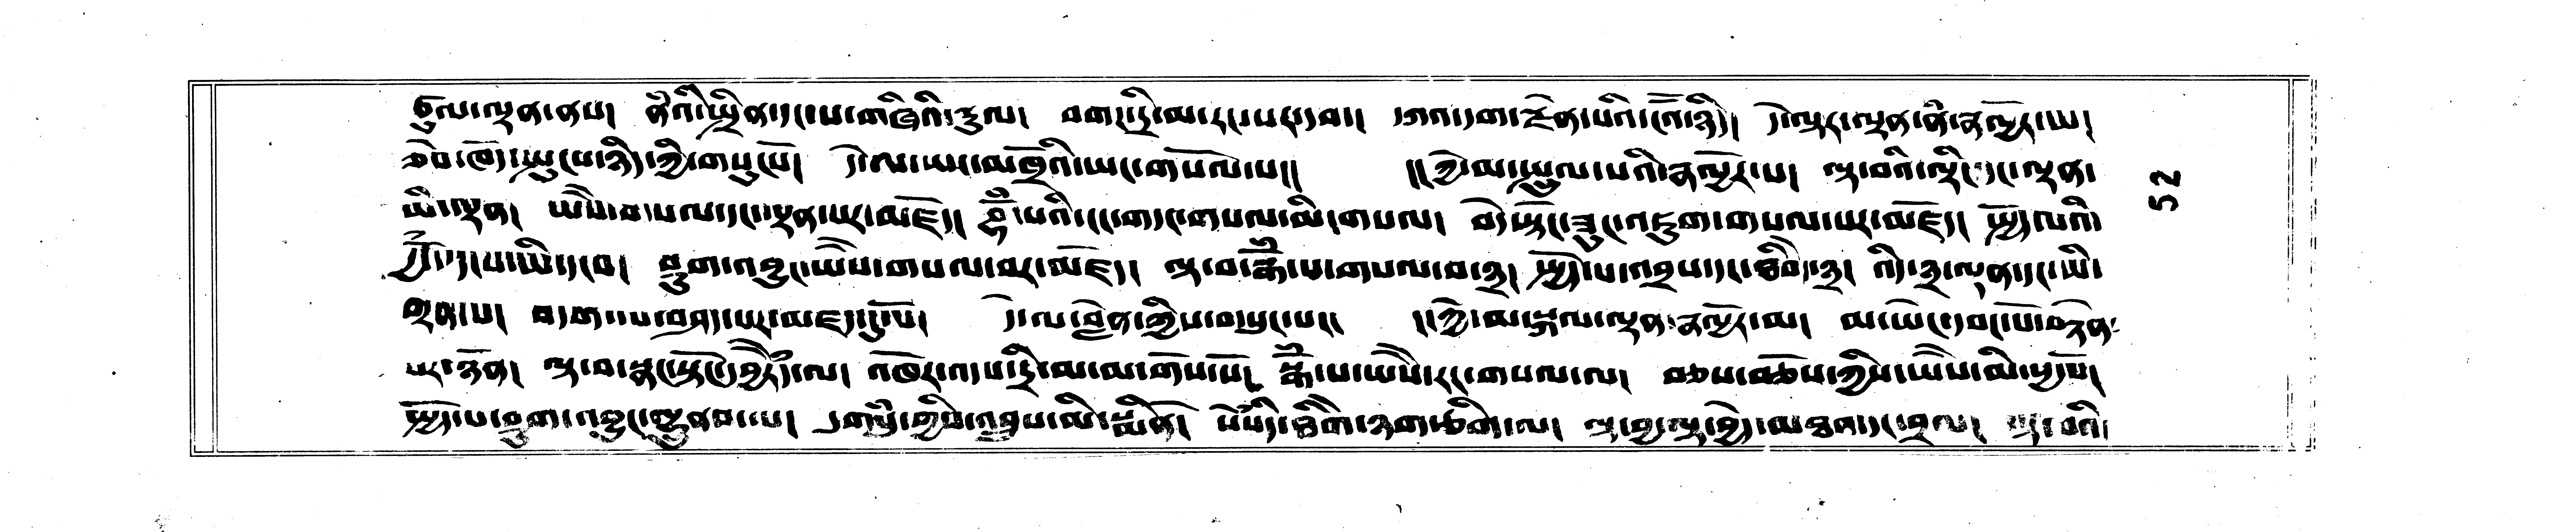ཚུལ་ལྡན་ནས། ནམ་མཁའི་སྤྲིན་དང་ས་གཞིའི་རྡུལ། བག་ཆགས་དྲི་མ་རང་སར་དག ཀ་དག་རྗེན་པའི་ངོ་བོ་ཉིད། དེ་ལྟར་ལྡན་ནམ་རྣལ་འབྱོར་མ། 
ཅེས་ཁོད་སྤུངས་ཉིད་ཀྱིས་གསུངས་སོ། དེ་ལ་ཡང་མཁའ་འགྲོས་ཡང་གསོལ་པ། ཀྱེ་མ་སྤྲུལ་པའི་རྣལ་འབྱོར་པ། ལྟ་བའི་གདེང་དང་ལྡན་
མི་ལྡན། ཡེ་ཤེས་གསལ་དང་ལྡན་པར་མཛོད། སྒོམ་པའི་ངང་གདངས་གསལ་མི་གསལ། བདེ་སྟོང་ཟུང་འཇུག་གསལ་བར་མཛོད། སྤྱོད་པའི་
རྒྱ་མཚོ་དྭངས་མི་དྭངས། ཤུགས་འབྱུང་ཡེ་ཤེས་གསལ་བར་མཛོད། ལྟ་བ་སྒོམ་པ་གསལ་བ་གསུམ། སྤྱོད་པ་འབྲས་དང་ཐིག་ལེ་གསུམ། འདི་གསུམ་ལྡན་དང་མི་
ལྡན། བདག་ལ་བཤད་པར་མཛད་དུ་གསོལ། དེ་ལ་བླ་ཆེན་གྱིས་གསུངས་པ། །ཀྱེ་མ་སྐལ་ལྡན་རྣལ་འབྱོར་མ། མ་ཡེངས་དབང་པོ་བརྟན་
པར་ཉོན། ལྟ་བ་སྣང་སྟོང་དབྱེར་མེད་ལ། འཁོར་འདས་དྲི་མ་མ་གོས་སོ། སྒོམ་པ་ཡེ་ཤེས་རང་གསལ་ལ། བཅས་བཅོས་ཀྱིས་ཡེ་ཤེས་མི་གསལ་ལོ། 
སྤྱོད་པ་ཤུགས་འབྱུང་ལྷུན་གྲུབ་ལ། དུག་གསུམ་གྱིས་འབྲས་བུ་མི་སྨིན་ནོ། །སེམས་ཉིད་ཐིག་ལེ་ཉག་ཅིག་ལ། བལྟ་བྱ་ལྟ་བྱེད་མཐའ་དང་བྲལ། ལྟ་བའི་